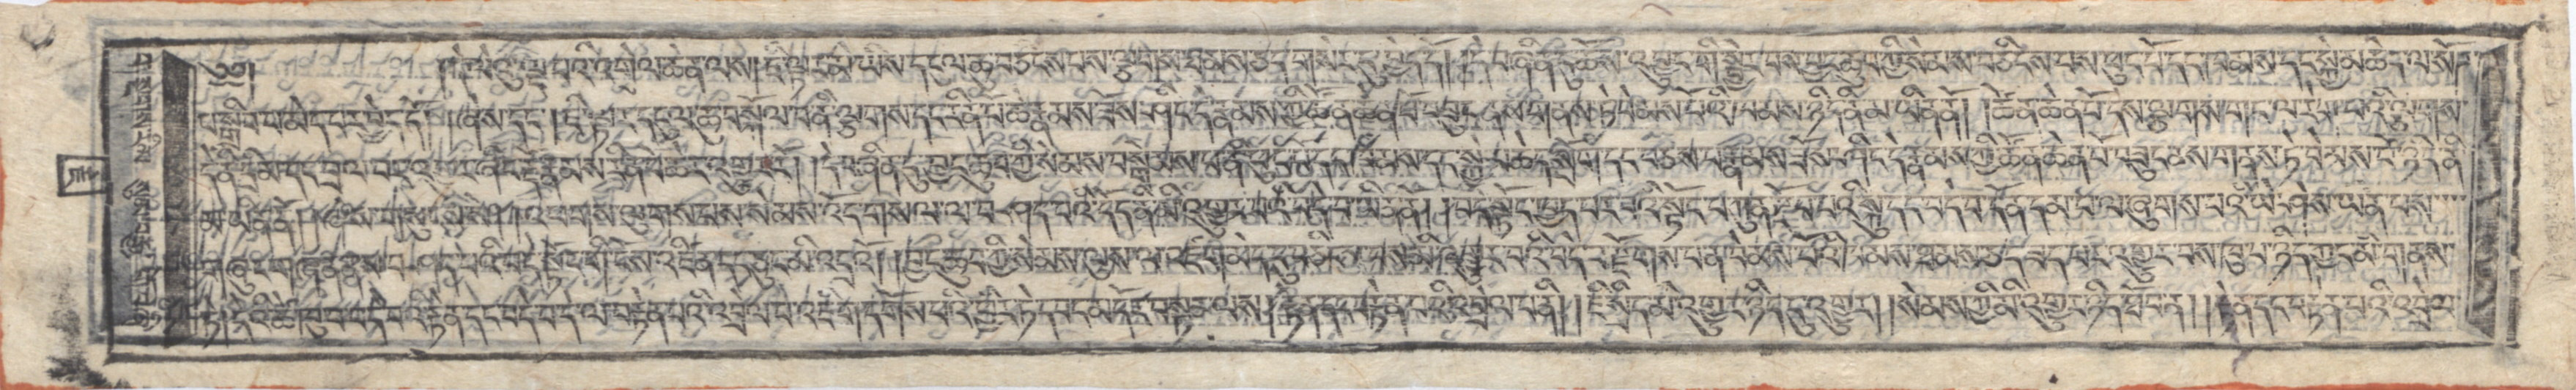༄༅། །དེ་ལེའུ་ལྔ་པའི་འགྲེལ་ཆེན་ལས། ཇི་ལྟར་མི་ཡིས་དངུལ་ཆུ་བཅིངས་པས་ལྕགས་ཐམས་ཅད་གསེར་དུ་བྱེད་དོ། །དེ་བཞིན་དུ་ཆོས་འབྱུང་གི་སྦྱོར་བས་བྱང་ཆུབ་ཀྱི་སེམས་བཅིངས་པས་ཕུང་པོ་དང་ཁམས་དང་སྐྱེ་མཆེད་ལ་སོགས་
པ་སྒྲིབ་པ་མེད་པར་བྱེད་དོ། །ཞེས་དང་། ཇི་ལྟར་དངུལ་ཆུ་བསྐོལ་བ་ནི་ལྕགས་དང་རིན་པོ་ཆེ་རྣམས་ཟོས་ཤིང་དེ་རྣམས་ཀྱི་ཚོན་ཆེན་པོ་བཟུང་ནས་གནས་ཏེ་བེམས་པོའི་ཁམས་ཉིད་ནི་མ་ཡིན་ནོ། །ཚོན་ཆེན་པོ་དེས་ལྕགས་གང་ལ་རེག་པའི་ལྕགས་
དེ་ནི་དྲི་མ་དང་བྲལ་བར་འགྱུར་ཞིང་རྡོ་རྣམས་རིན་པོ་ཆེར་འགྱུར་རོ། །དེ་བཞིན་དུ་བྱང་ཆུབ་ཀྱི་སེམས་བསྒོམས་པ་ནི་ཕུང་པོ་དང་ཁམས་དང་སྐྱེ་མཆེད་སྲོག་དང་བཅས་པ་རྣམས་ཟོས་ཤིང་དེ་རྣམས་ཀྱི་ཚོན་ཆེན་པོ་བཟུང་ནས་གནས་ཏེ་བེམས་པོ་ཉིད་ནི་
མ་ཡིན་ནོ། །ཞེས་གསུངས་སོ། །འཕགས་ལུགས་པས་སེམས་འོད་གསལ་ལ་བཤད་པའི་དོད་ནི་མི་འགྱུར་བའི་བདེ་བ་ཡིན་ནོ། །བདེ་སྟོང་ཁྱད་པར་བའི་སྟོང་པ་ཀུན་རྫོབ་པའི་སྐུ་དང་བདེ་བ་དོན་དམ་པ་ལ་ཞུགས་པའི་ཡེ་ཤེས་ཡིན་པས་
གཞུང་གཞན་ནས་བཤད་པའི་བདེ་སྟོང་གི་ངོས་འཛིན་དང་ཅུང་མི་འདྲའོ། །བྱང་ཆུབ་ཀྱི་སེམས་ལུས་ལ་འཛག་མེད་དུ་བཅིངས་པས་མི་འགྱུར་བའི་བདེ་བ་རྫོགས་པ་ན་བེམས་པོའི་ཁམས་ཐམས་ཅད་ཟད་པར་འགྱུར་བས་ཁུ་བ་ཉིད་ཀྱང་མི་གནས་
ཏེ། དེའི་ཚེ་ཁུ་བ་བདེ་བའི་རྟེན་དང་བདེ་བ་དེ་ལ་བརྟེན་པའི་འབྲེལ་པ་འཇིག་དགོས་པའི་ཕྱིར་ཏེ་དབང་མདོར་བསྟན་ལས། རྟེན་དང་བརྟེན་པའི་འབྲེལ་བ་ནི། །ཇི་སྲིད་མི་འགྱུར་ཉིད་དུ་འགྱུར། །སེམས་ཀྱི་མི་འགྱུར་ཉིད་ཐོབ་ན། །རྟེན་དང་བརྟེན་པའི་འབྲེལ་